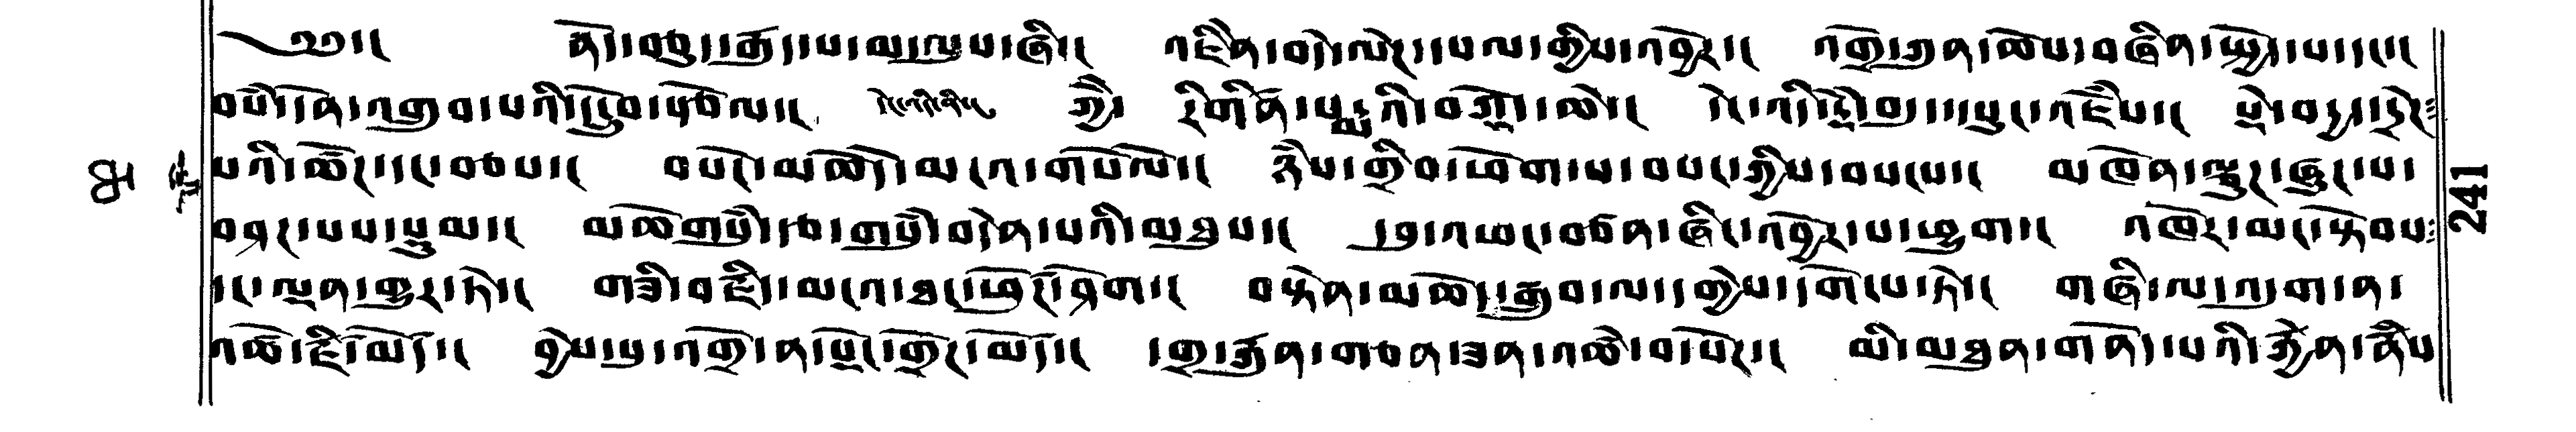།སྣོད་བཅུད་རྒུད་པ་མ་ལུས་ཞི། །འཇིག་རྟེན་བདེ་ལེགས་དཔལ་གྱིས་འབྱོར། །འགྲོ་ཀུན་ཆོས་བཞིན་སྤྱོད་པ་དང་། །
བསམ་དོན་འགྲུབ་པའི་དངོས་གྲུབ་སྩོལ། དོང་འདི་ནི། ཀྱཻ། རིག་འཛིན་པདྨའི་བཀོད་སྡོད་ཆེ། །དོང་འདི་རྡོ་རྗེ་བདུད་དཔུང་འཇོམས། །སྡེ་བརྒྱད་དྲེགས་
པའི་ཚོགས་དང་བཅས། །བསང་དོ་མཆོད་དོ་མངའ་གསོལ་ལོ། །ཉམས་གྲིབ་ཕོག་པ་བསང་གིས་བསངས། །མཁོན་གཅུགས་ཞུགས་པ་
བཤགས་པས་སྡུམ། །མཆོག་གསུམ་རྩ་གསུམ་བདེན་པའི་མཐུས། །དབུ་འཕང་བཙན་ཞིང་འབྱོར་པ་ཕྱུག འཁོར་མང་སྟོབས་
དང་ལྡན་གྱུར་ཏེ། །གཟི་བརྗིད་མངའ་ཐང་ཕུན་ཚོགས་ཤོག བསྟེན་མཆོད་སྒྲུབ་ལ་དགྱེས་དགོངས་ཏེ། །གཞིས་ལ་འདུག་ན་
འཚོ་རྫི་མཛོད། །བྱེས་སུ་འགྲོ་ན་སྡོང་གྲོགས་མཛོད། །དགྲ་རྐུན་གཅན་ཟན་འཚེ་བ་སོགས། །མི་མཐུན་གནོད་པའི་རྐྱེན་རྣམས་